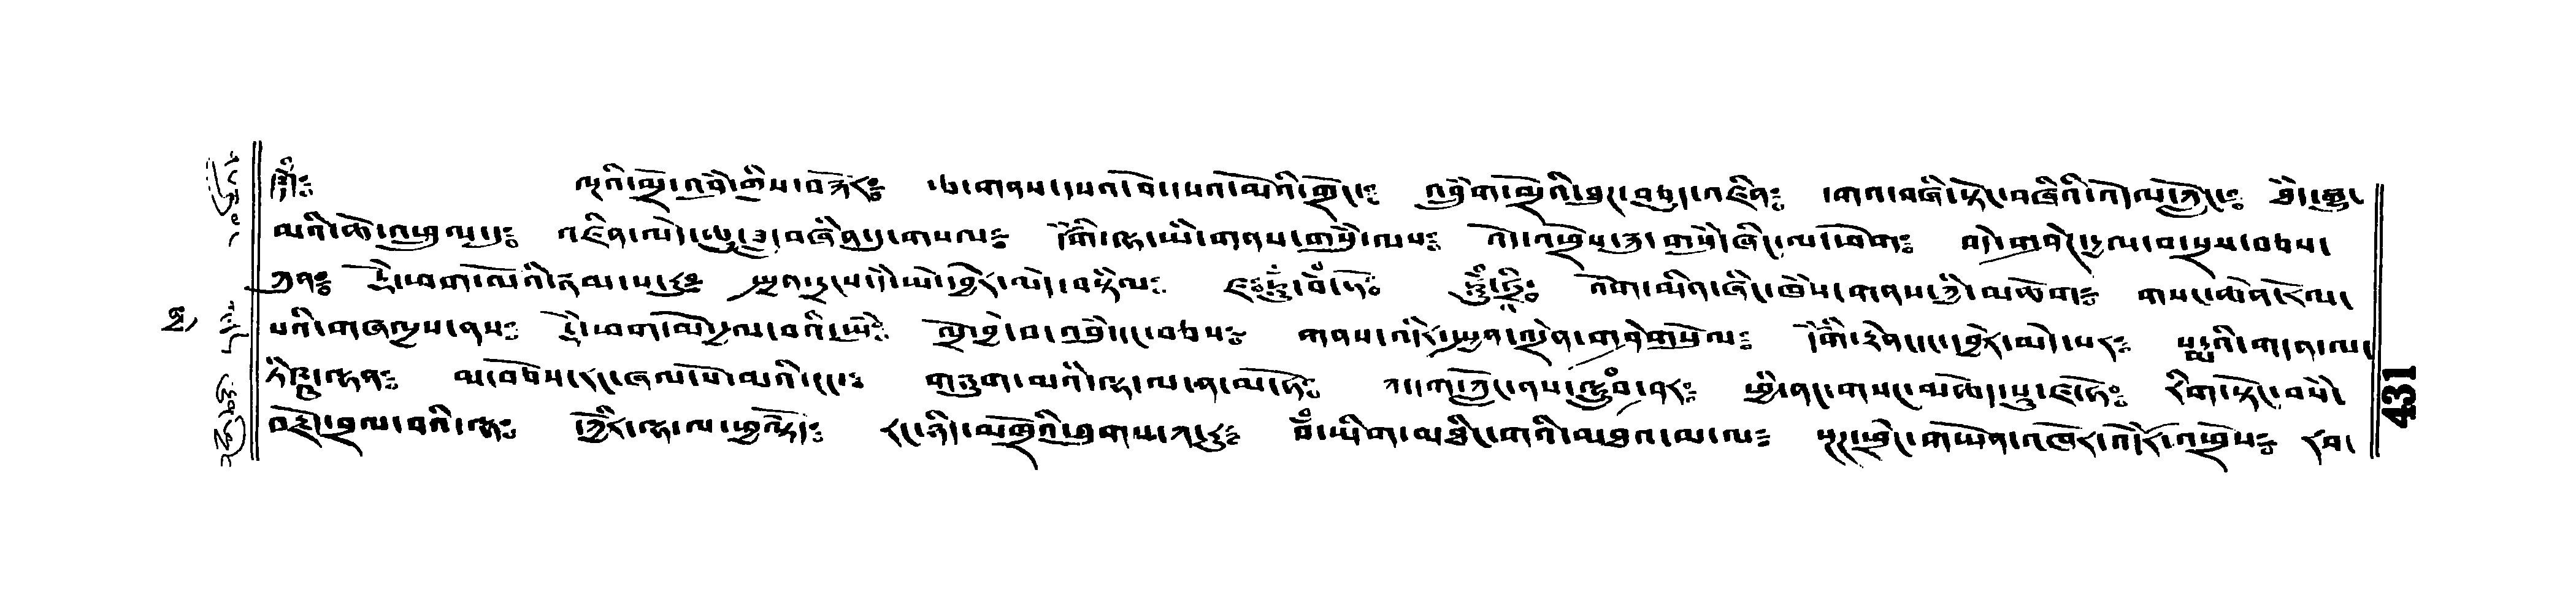ལྔའི་མཁའ་འགྲོ་འབུམ་གྱིས་བསྐོར༔ རྩ་གནས་དཔའ་བོ་དཔའ་མོའི་གྲོང༔ འབུམ་ཕྲག་མཁའ་འགྲོའི་ཐུགས་བཅུད་འཛིན༔ དགའ་བཞི་སྟོང་བཞིའི་འོད་གསལ་ཀློང༔ ཐམས་ཅད་སྒྱུ་
མའི་ཆོ་འཕྲུལ་དུ༔ འཛིན་མེད་ཆུ་ཟླ་བཞིན་དུ་གསལ༔ དམ་ཚིག་ལྷ་ཡི་གནས་གསུམ་ལས༔ འོད་འཕྲོས་སྐུ་གསུམ་ཞིང་ལ་ཕོག༔ བདེ་གཤེགས་རྒྱལ་བ་སྲས་བཅས་
ཀུན༔ རྡོ་རྗེ་ཕག་མོའི་རྣམ་པ་རུ༔ སྤྱན་དྲངས་དམ་ཡེ་དབྱེར་མེད་བསྟིམ༔ ཛཿཧཱུྃ་བྃ་ཧོཿ ཧཱུྃ་ཧྲཱིཿ འོག་མིན་ཞིང་ཁམས་གནས་ཀྱི་མཆོག༔ གསང་ཆེན་རོལ་
པའི་གཞལ་ཡས་ནས༔ རྡོ་རྗེ་ཕག་མོ་རྒྱལ་བའི་ཡུམ༔ མཁའ་འགྲོ་བྱེ་བ་འབུམ་དང་བཅས༔ གནས་འདིར་སྤྱན་འདྲེན་གཤེགས་སུ་གསོལ༔ དམ་ཚིག་རྟེན་དང་དབྱེར་མེད་པར༔ པདྨའི་གདན་ལ་
ཏིཥྛ་ལྷན༔ མ་བཅོས་རང་ཞལ་སོ་མའི་ངང༔ གཉུག་མའི་ལྷ་ལ་ན་མ་ཧོཿ ཀ་དག་ཀློང་ནས་ལྷུན་གྲུབ་ཤར༔ ཕྱི་ནང་གསང་མཆོད་པཱུ་ཛ་ཧོཿ རིག་སྟོང་བསམ་
བརྗོད་བྲལ་བའི་ལྷ༔ དཀྱིལ་འཁོར་ལྷ་ལ་ཕྱག་འཚལ་བསྟོད༔ རང་ཉིད་མཁའ་འགྲོའི་ཐུགས་ཀ་རུཿ བྃ་ཡིག་མཐིང་གའི་མཐའ་མ་ལ༔ སྔགས་ཕྲེང་གཡོན་འཁོར་འོད་ཟེར་འཕྲོས༔ རབ་